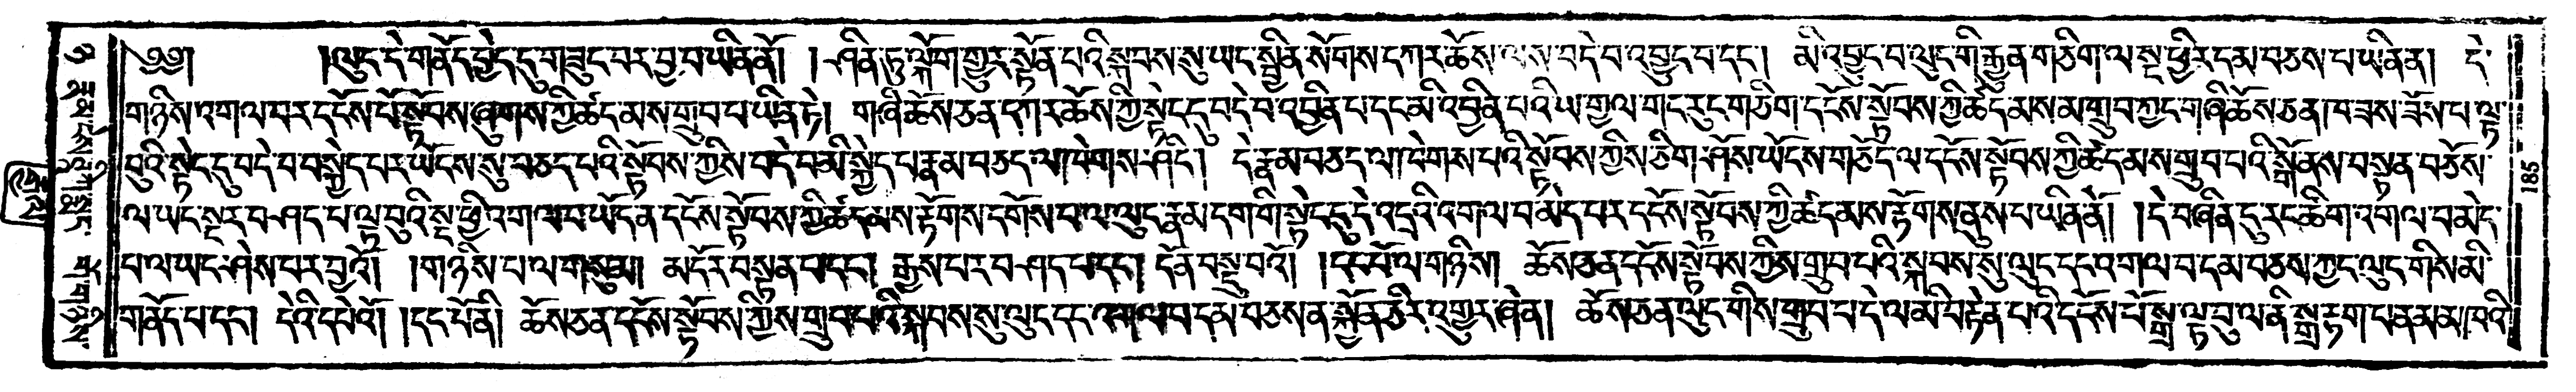༄༅། །ལུང་དེ་གནོད་བྱེད་དུ་གཟུང་བར་བྱ་བ་ཡིན་ནོ། །ཤིན་ཏུ་ལྐོག་གྱུར་སྟོན་པའི་སྐབས་སུ་ཡང་སྦྱིན་སོགས་དཀར་ཆོས་ལས་བདེ་བ་འབྱུང་བ་དང་། མི་འབྱུང་བ་ལུང་གི་རྒྱུན་གཅིག་ལ་སྔ་ཕྱིར་དམ་བཅས་པ་ཡིན་ན། དེ་
གཉིས་འགལ་བར་དངོས་པོ་སྟོབས་ཞུགས་ཀྱི་ཚད་མས་གྲུབ་པ་ཡིན་ཏེ། གཞི་ཆོས་ཅན་དཀར་ཆོས་ཀྱི་སྟེང་དུ་བདེ་བ་འབྱིན་པ་དང་མི་འབྱིན་པའི་ཡ་གྱལ་གང་རུང་གཅིག་དངོས་སྟོབས་ཀྱི་ཚད་མས་མ་གྲུབ་ཀྱང་གཞི་ཆོས་ཅན་ཁ་ཟས་ཟོས་པ་ལྟ་
བུའི་སྟེང་དུ་བདེ་བ་བསྐྱེད་པར་ཡོངས་སུ་བཅད་པའི་སྟོབས་ཀྱིས་བདེ་བ་མི་སྐྱེད་པ་རྣམ་བཅད་ལ་ཁེགས་ཤིང་། དེ་རྣམ་བཅད་ལ་ཁེགས་པའི་སྟོབས་ཀྱིས་ཅིག་ཤོས་ཡོངས་གཅོད་ལ་དངོས་སྟོབས་ཀྱི་ཚད་མས་གྲུབ་པའི་སྒོ་ནས་བསྟན་བཅོས་
ལ་ཡང་སྔར་བཤད་པ་ལྟ་བུའི་སྔ་ཕྱི་འགལ་བ་ཡོད་ན་དངོས་སྟོབས་ཀྱི་ཚད་མས་རྟོགས་དགོས་པ་ལ་ལུང་རྣམ་དག་གི་སྟེང་དུ་དེ་འདྲའི་འགལ་བ་མེད་པར་དངོས་སྟོབས་ཀྱི་ཚད་མས་རྟོགས་ནུས་པ་ཡིན་ནོ། །དེ་བཞིན་དུ་རང་ཚིག་འགལ་བ་མེད་
པ་ལ་ཡང་ཤེས་པར་བྱའོ། །གཉིས་པ་ལ་གསུམ། མདོར་བསྟན་པ་དང་། རྒྱས་པར་བཤད་པ་དང་། དོན་བསྡུ་བའོ། །དང་པོ་ལ་གཉིས། ཆོས་ཅན་དངོས་སྟོབས་ཀྱིས་གྲུབ་པའི་སྐབས་སུ་ལུང་དང་འགལ་བ་དམ་བཅས་ཀྱང་ལུང་གིས་མི་
གནོད་པ་དང་། དེའི་དཔེའོ། །དང་པོ་ནི། ཆོས་ཅན་དངོས་སྟོབས་ཀྱིས་གྲུབ་པའི་སྐབས་སུ་ལུང་དང་འགལ་བ་དམ་བཅས་ན་སྐྱོན་ཅིར་འགྱུར་ཞེ་ན། ཆོས་ཅན་ལུང་གིས་གྲུབ་པ་དེ་ལ་མི་བརྟེན་པའི་དངོས་པོ་སྒྲ་ལྟ་བུ་ལ་ནི་སྒྲ་རྟག་པ་ནམ་མཁའི་